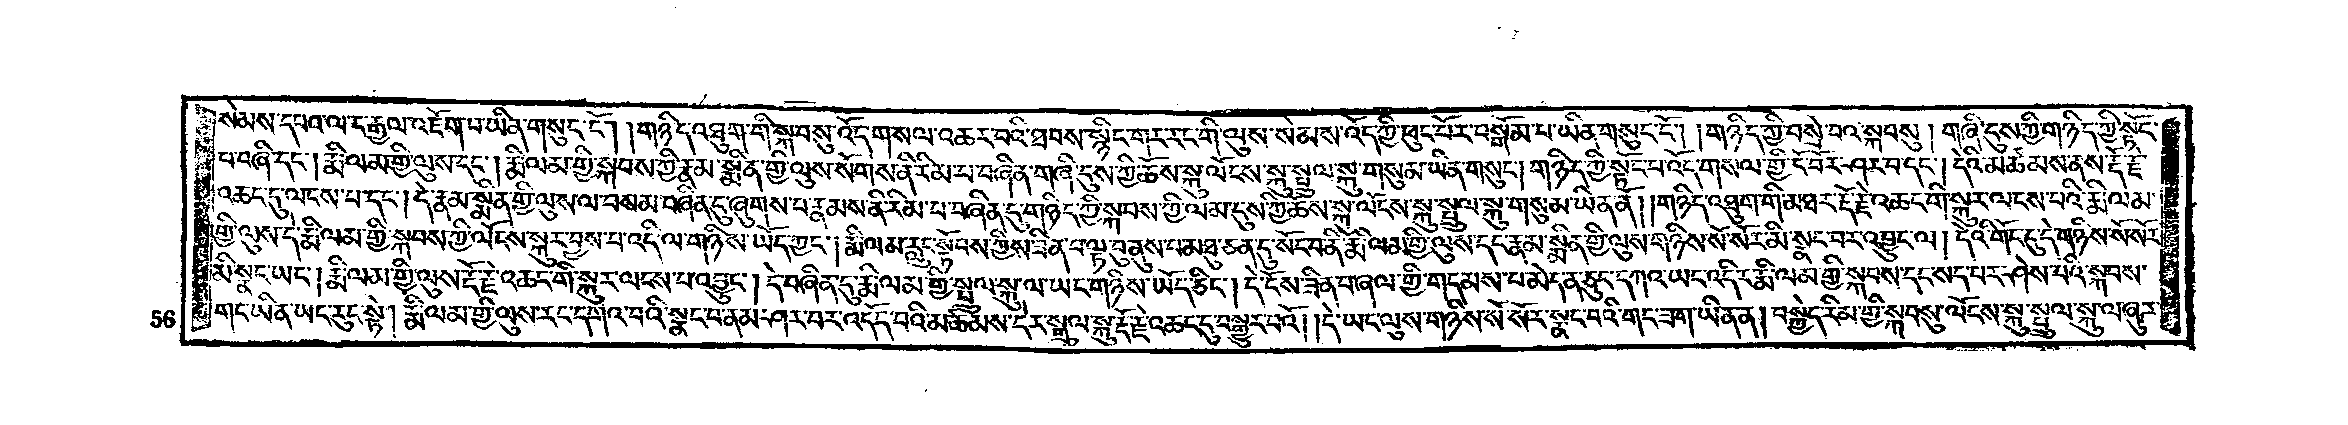སེམས་དཔའ་ལ་ང་རྒྱལ་འཇོག་པ་ཡིན་གསུང་ངོ། །གཉིད་འཐུག་གི་སྐབས་སུ་འོད་གསལ་འཆར་བའི་ཐབས་སྙིང་གར་རང་གི་ལུས་སེམས་འོད་ཀྱི་ཕུང་པོར་བསྒོམ་པ་ཡིན་གསུང་ངོ། །གཉིད་ཀྱི་བསྲེ་བའི་སྐབས་སུ། གཞི་དུས་ཀྱི་གཉིད་ཀྱི་སྟོང་
པ་བཞི་དང་། རྨི་ལམ་གྱི་ལུས་དང་། རྨི་ལམ་གྱི་སྐབས་ཀྱི་རྣམ་སྨིན་གྱི་ལུས་སོགས་ནི་རིམ་པ་བཞིན་གཞི་དུས་ཀྱི་ཆོས་སྐུ་ལོངས་སྐུ་སྤྲུལ་སྐུ་གསུམ་ཡིན་གསུང་། གཉིད་ཀྱི་སྟོང་པ་འོད་གསལ་གྱི་ངོ་བོར་ཤར་བ་དང་། དེའི་མཚམས་ནས་རྡོ་རྗེ་
འཆང་དུ་ལངས་པ་དང་། དེ་རྣམ་སྨིན་གྱི་ལུས་ལ་བསམ་བཞིན་དུ་ཞུགས་པ་རྣམས་ནི་རིམ་པ་བཞིན་དུ་གཉིད་ཀྱི་སྐབས་ཀྱི་ལམ་དུས་ཀྱི་ཆོས་སྐུ་ལོངས་སྐུ་སྤྲུལ་སྐུ་གསུམ་ཡིན་ནོ། །གཉིད་འཐུག་གི་མཐར་རྡོ་རྗེ་འཆང་གི་སྐུར་ལངས་པའི་རྨི་ལམ་
གྱི་ལུས་དེ་རྨི་ལམ་གྱི་སྐབས་ཀྱི་ལོངས་སྐུར་བྱས་པ་འདི་ལ་གཉིས་ཡོད་ཀྱང་། རྨི་ལམ་རླུང་སྟོབས་ཀྱིས་ཟིན་པ་ལྟ་བུ་ནུས་པ་མཐུ་ཅན་དུ་སོང་བ་ནི་རྨི་ལམ་གྱི་ལུས་དང་རྣམ་སྨིན་གྱི་ལུས་གཉིས་སོ་སོར་མི་སྣང་བར་འབྱུང་ལ། དེའི་གོང་དུ་དེ་གཉིས་སོ་སོར་
མི་སྣང་ཡང་། རྨི་ལམ་གྱི་ལུས་རྡོ་རྗེ་འཆང་གི་སྐུར་ལངས་པ་འབྱུང་། དེ་བཞིན་དུ་རྨི་ལམ་གྱི་སྤྲུལ་སྐུ་ལ་ཡང་གཉིས་ཡོད་ཅིང་། དེ་ངོས་ཟིན་བ་ཞལ་གྱི་གདམས་པ་མེད་ན་ཅུང་དཀའ་ཡང་འདིར་རྨི་ལམ་གྱི་སྐབས་དང་སད་པར་ཤེས་པའི་སྐབས་
གང་ཡིན་ཡང་རུང་སྟེ། རྨི་ལམ་གྱི་ལུས་རང་དགའ་བའི་སྣང་བ་ནམ་ཤར་བར་འདོད་པའི་མཚམས་དེར་སྤྲུལ་སྐུ་རྡོ་རྗེ་འཆང་དུ་བསྒྱུར་བའོ། །དེ་ཡང་ལུས་གཉིས་སོ་སོར་སྣང་བའི་གང་ཟག་ཡིན་ན། བསྐྱེད་རིམ་གྱི་སྐབས་སུ་ལོངས་སྐུ་སྤྲུལ་སྐུ་ལ་ཞུགས་